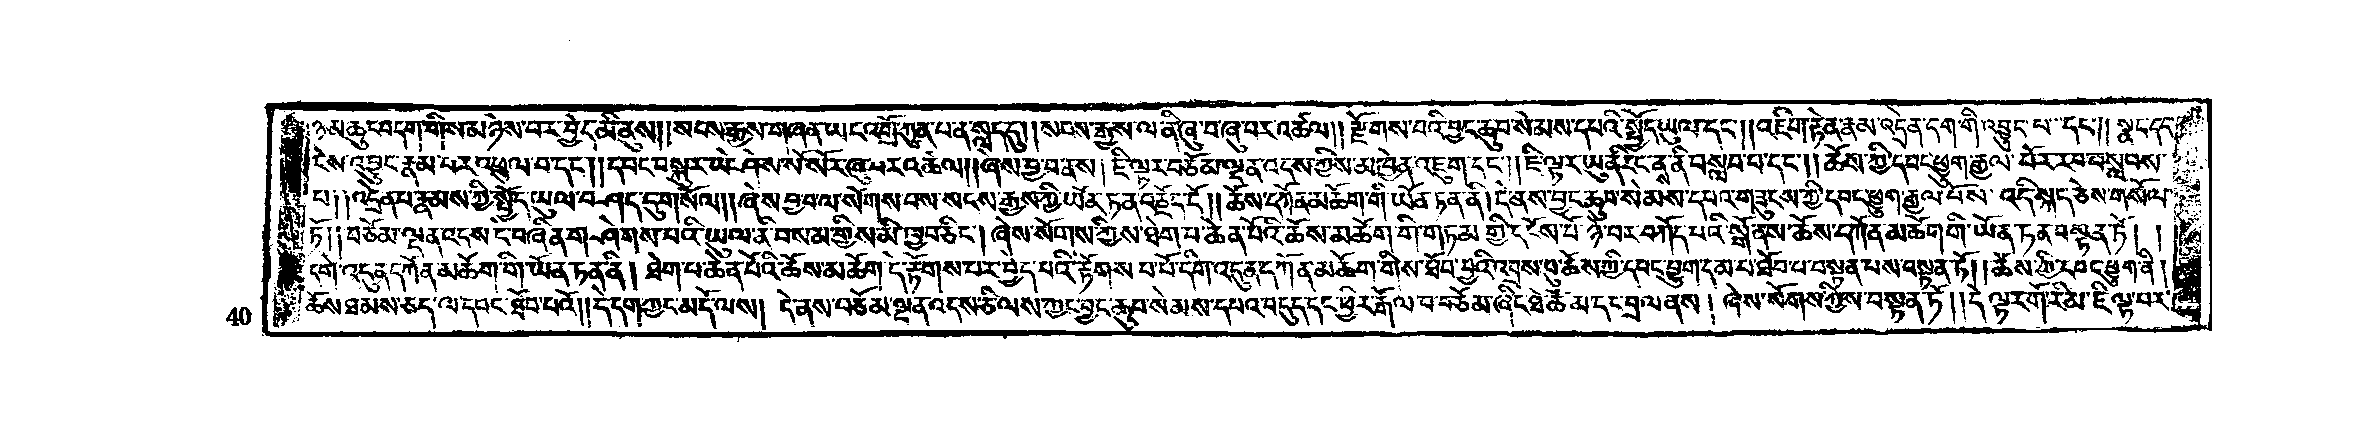ཉམ་ཆུང་བདག་གིས་མཉེས་པར་བྱེད་མི་ནུས། །སངས་རྒྱས་གཞན་ཡང་འགྲོ་ཀུན་པ་ན་སླད་དུ། །སངས་རྒྱས་ལ་ནི་ཞུ་བ་ཞུ་བར་འཚལ། །རྫོགས་པའི་བྱང་ཆུབ་སེམས་དཔའི་སྤྱོད་ཡུལ་དང་། །འཇིག་རྟེན་རྣམ་འདྲེན་དག་གི་འབྱུང་བ་དང་། །སྣང་དང་
ངེས་འབྱུང་རྣམ་པར་འཕྲུལ་བ་དང་། །དབང་བསྐུར་ཡེ་ཤེས་སོ་སོར་ཞུ་བར་འཚལ། །ཞེས་བྱ་བ་ནས། ཇི་ལྟར་བཅོམ་ལྡན་འདས་ཀྱིས་མཁྱེན་འཇུག་དང་། །ཇི་ལྟར་ཡུན་རིང་ནས་ནི་བསླབ་པ་དང་། །ཆོས་ཀྱི་དབང་ཕྱུག་རྒྱལ་པོར་རབ་བསླབས་
པ༑ ༑འདྲེན་པ་རྣམས་ཀྱི་སྤྱོད་ཡུལ་བཤད་དུ་གསོལ། །ཞེས་བྱ་བ་ལ་སོགས་པས་སངས་རྒྱས་ཀྱི་ཡོན་ཏན་བརྗོད་དོ། །ཆོས་དཀོན་མཆོག་གི་ཡོན་ཏན་ནི། དེ་ནས་བྱང་ཆུབ་སེམས་དཔའ་གཟུངས་ཀྱི་དབང་ཕྱུག་རྒྱལ་པོས་འདི་སྐད་ཅེས་གསོལ་
ཏོ༑ ༑བཅོམ་ལྡན་འདས་དེ་བཞིན་གཤེགས་པའི་ཡུལ་ནི་བསམ་གྱིས་མི་ཁྱབ་ཅིང་། ཞེས་སོགས་ཀྱིས་ཐེག་པ་ཆེན་པོའི་ཆོས་མཆོག་གི་གཏམ་གྱི་དངོས་པོ་ཉེ་བར་བཀོད་པའི་སྒོ་ནས་ཆོས་དཀོན་མཆོག་གི་ཡོན་ཏན་བསྟན་ཏོ། །
དགེ་འདུན་དཀོན་མཆོག་གི་ཡོན་ཏན་ནི། ཐེག་པ་ཆེན་པའི་ཆོས་མཆོག་དེ་རྟོགས་པར་བྱེད་པའི་རྟོགས་པ་པོ་དགེ་འདུན་དཀོན་མཆོག་གིས་ཐོབ་བྱའི་འབྲས་བུ་ཆོས་ཀྱི་དབང་ཕྱུག་དམ་པ་ཐོབ་པ་བསྟན་པས་བསྟན་ཏོ། །ཆོས་ཀྱི་དབང་ཕྱུག་ནི།
ཆོས་ཐམས་ཅད་ལ་དབང་ཐོབ་པའོ། །དེ་དག་ཀྱང་མདོ་ལས། དེ་ནས་བཅོམ་ལྡན་འདས་ཅི་ལས་ཀྱང་བྱང་ཆུབ་སེམས་དཔའ་བདུད་དང་ཕྱིར་རྒོལ་བ་བཅོམ་ཞིང་ཐེ་ཚོམ་དང་བྲལ་ནས། ཞེས་སོགས་ཀྱིས་བསྟན་ཏོ། །དེ་ལྟར་གོ་རིམ་ཇི་ལྟ་བར་